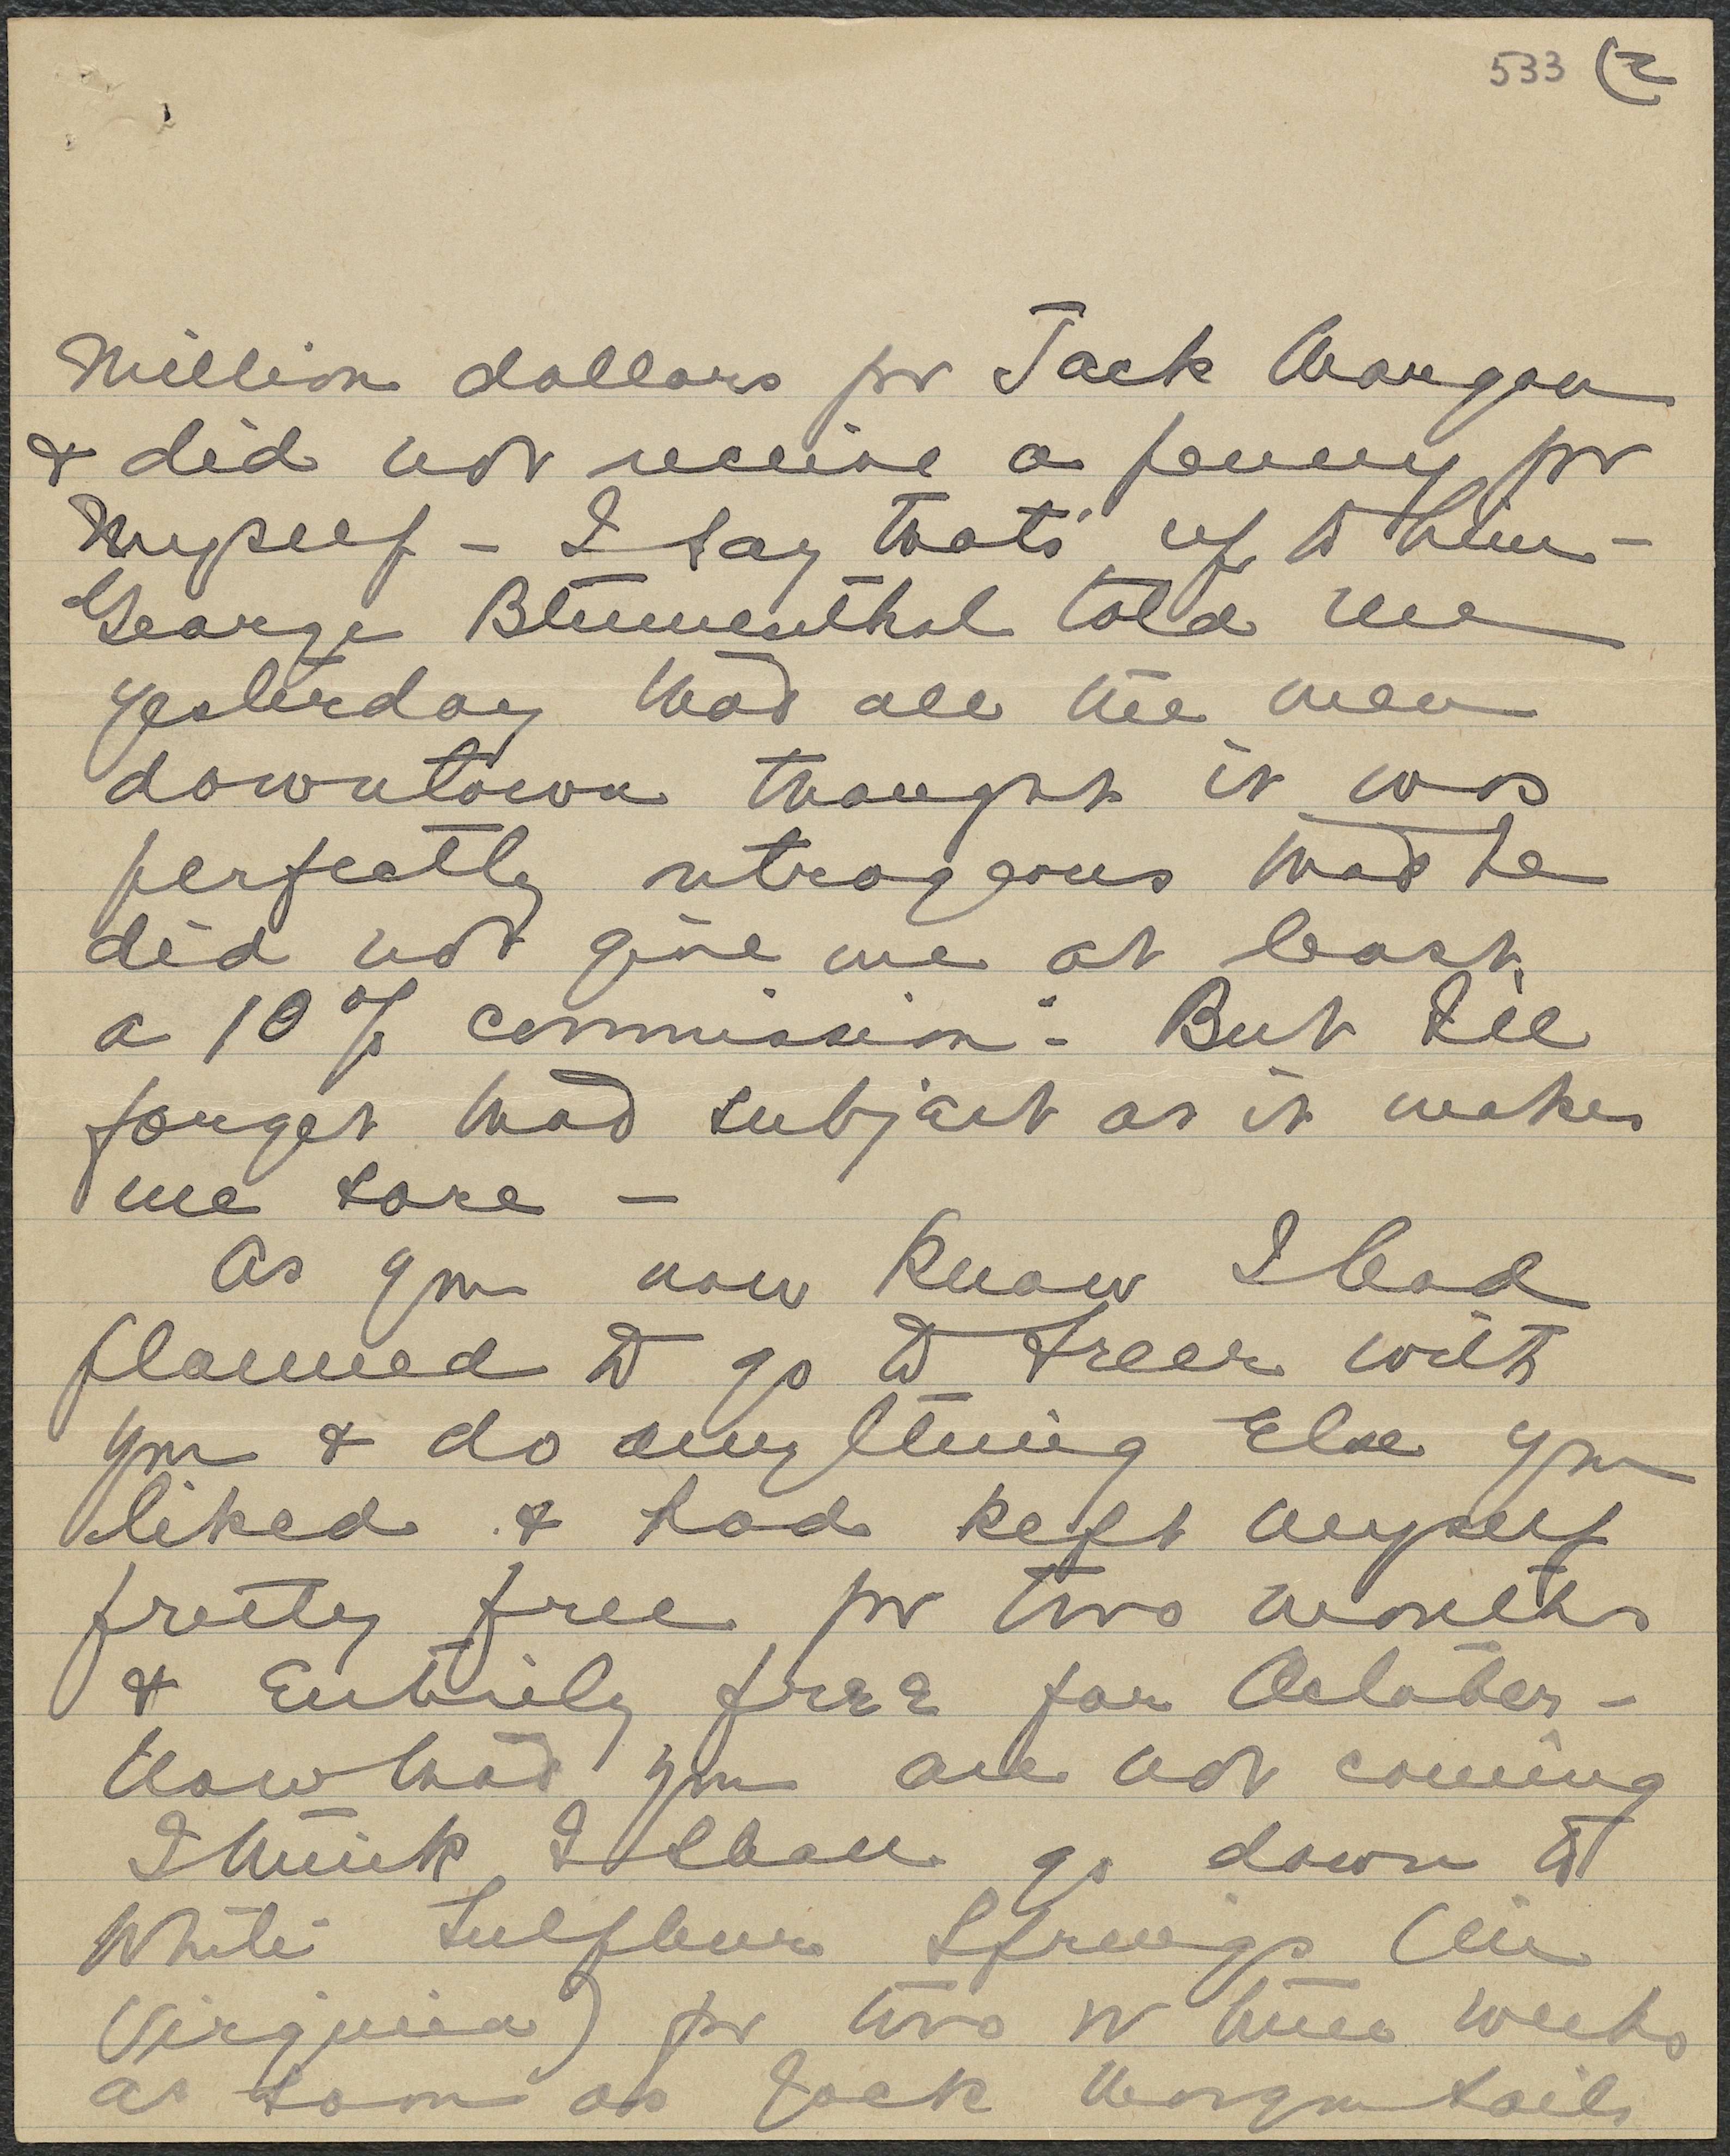million dollars for Jack Morgan & did not receive a penny for myself – I say that’s up to him – George Blumenthal told me yesterday that all the men downtown thought it was perfectly outrageous that he did not give me at least a 10% commission: But I’ll forget that subject as it make me sore –
As you now know I had planned to go to Freer with you & do anything else you liked & had kept myself pretty free for two months & entirely free for October – now that you are not coming I think I shall go down to White Sulphur Springs (in Virginia) for two or three weeks as soon as Jack Morgan sails